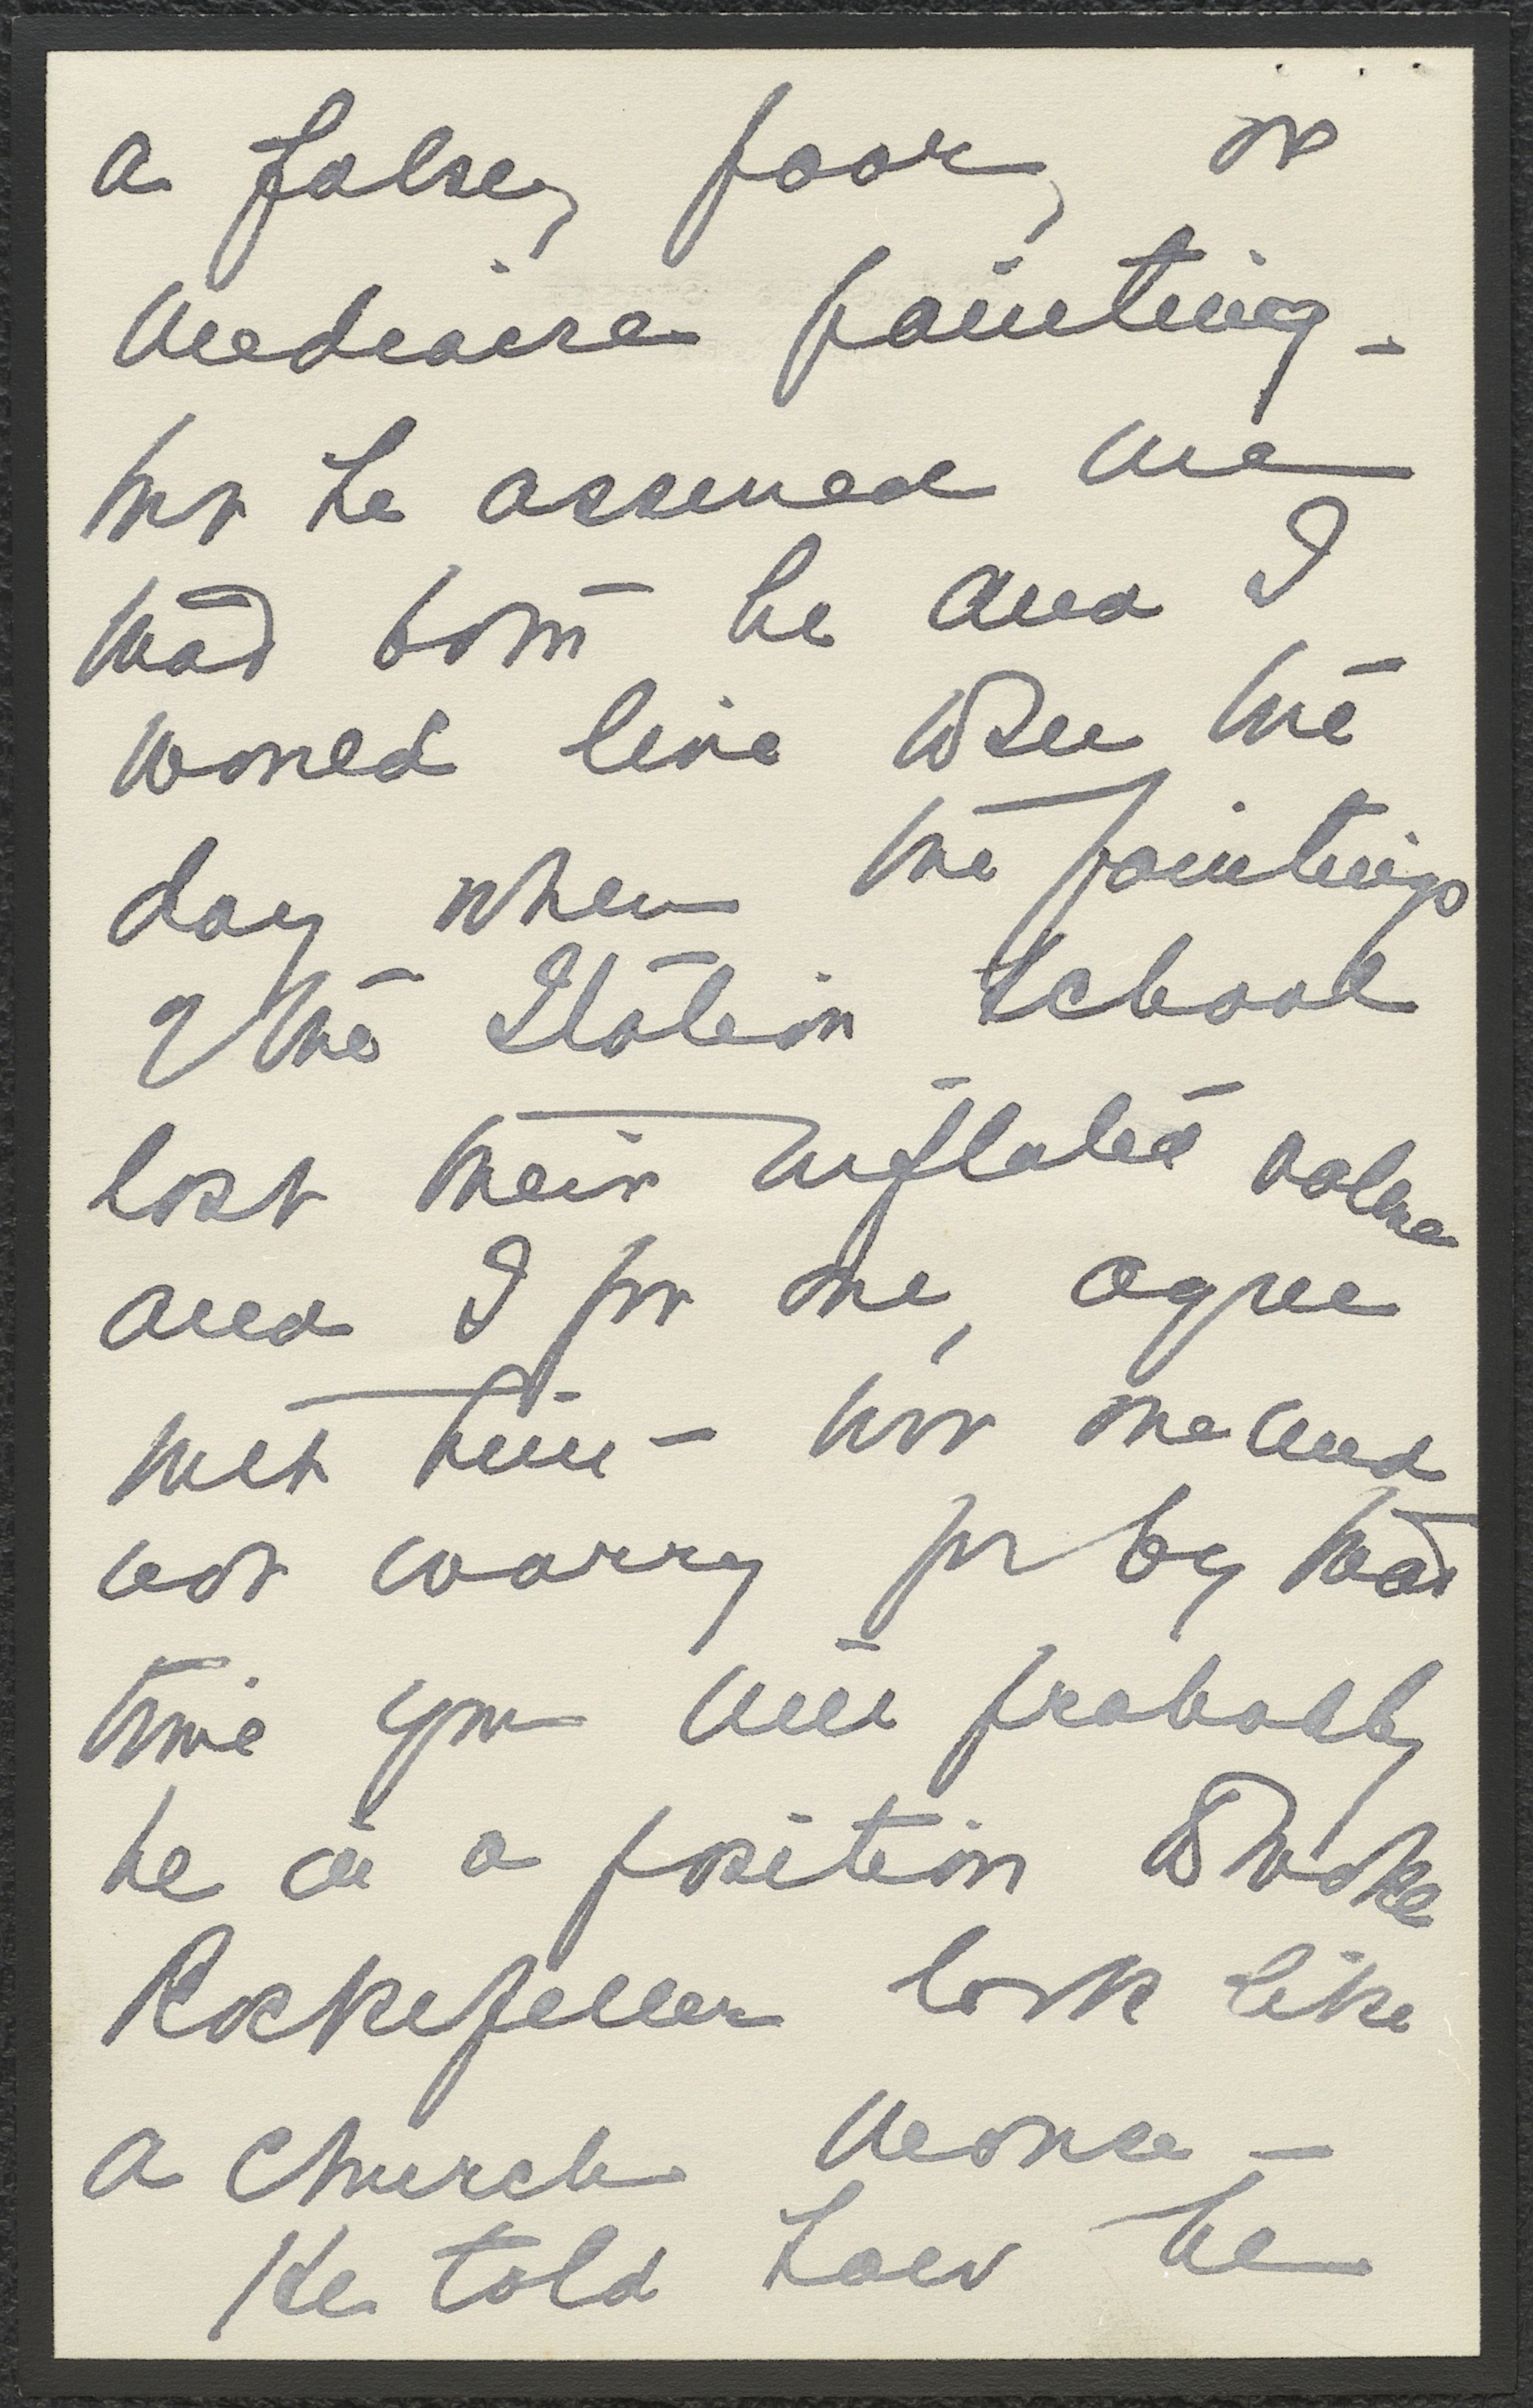a false, poor, or mediocre painting – but he assured me that both he and I would live to see the day when the paintings of the Italian School lost their inflated value and I for one, agree with him – but one need not worry for by that time you will probably be in a position to make Rockefeller look like a church mouse –
He told how he